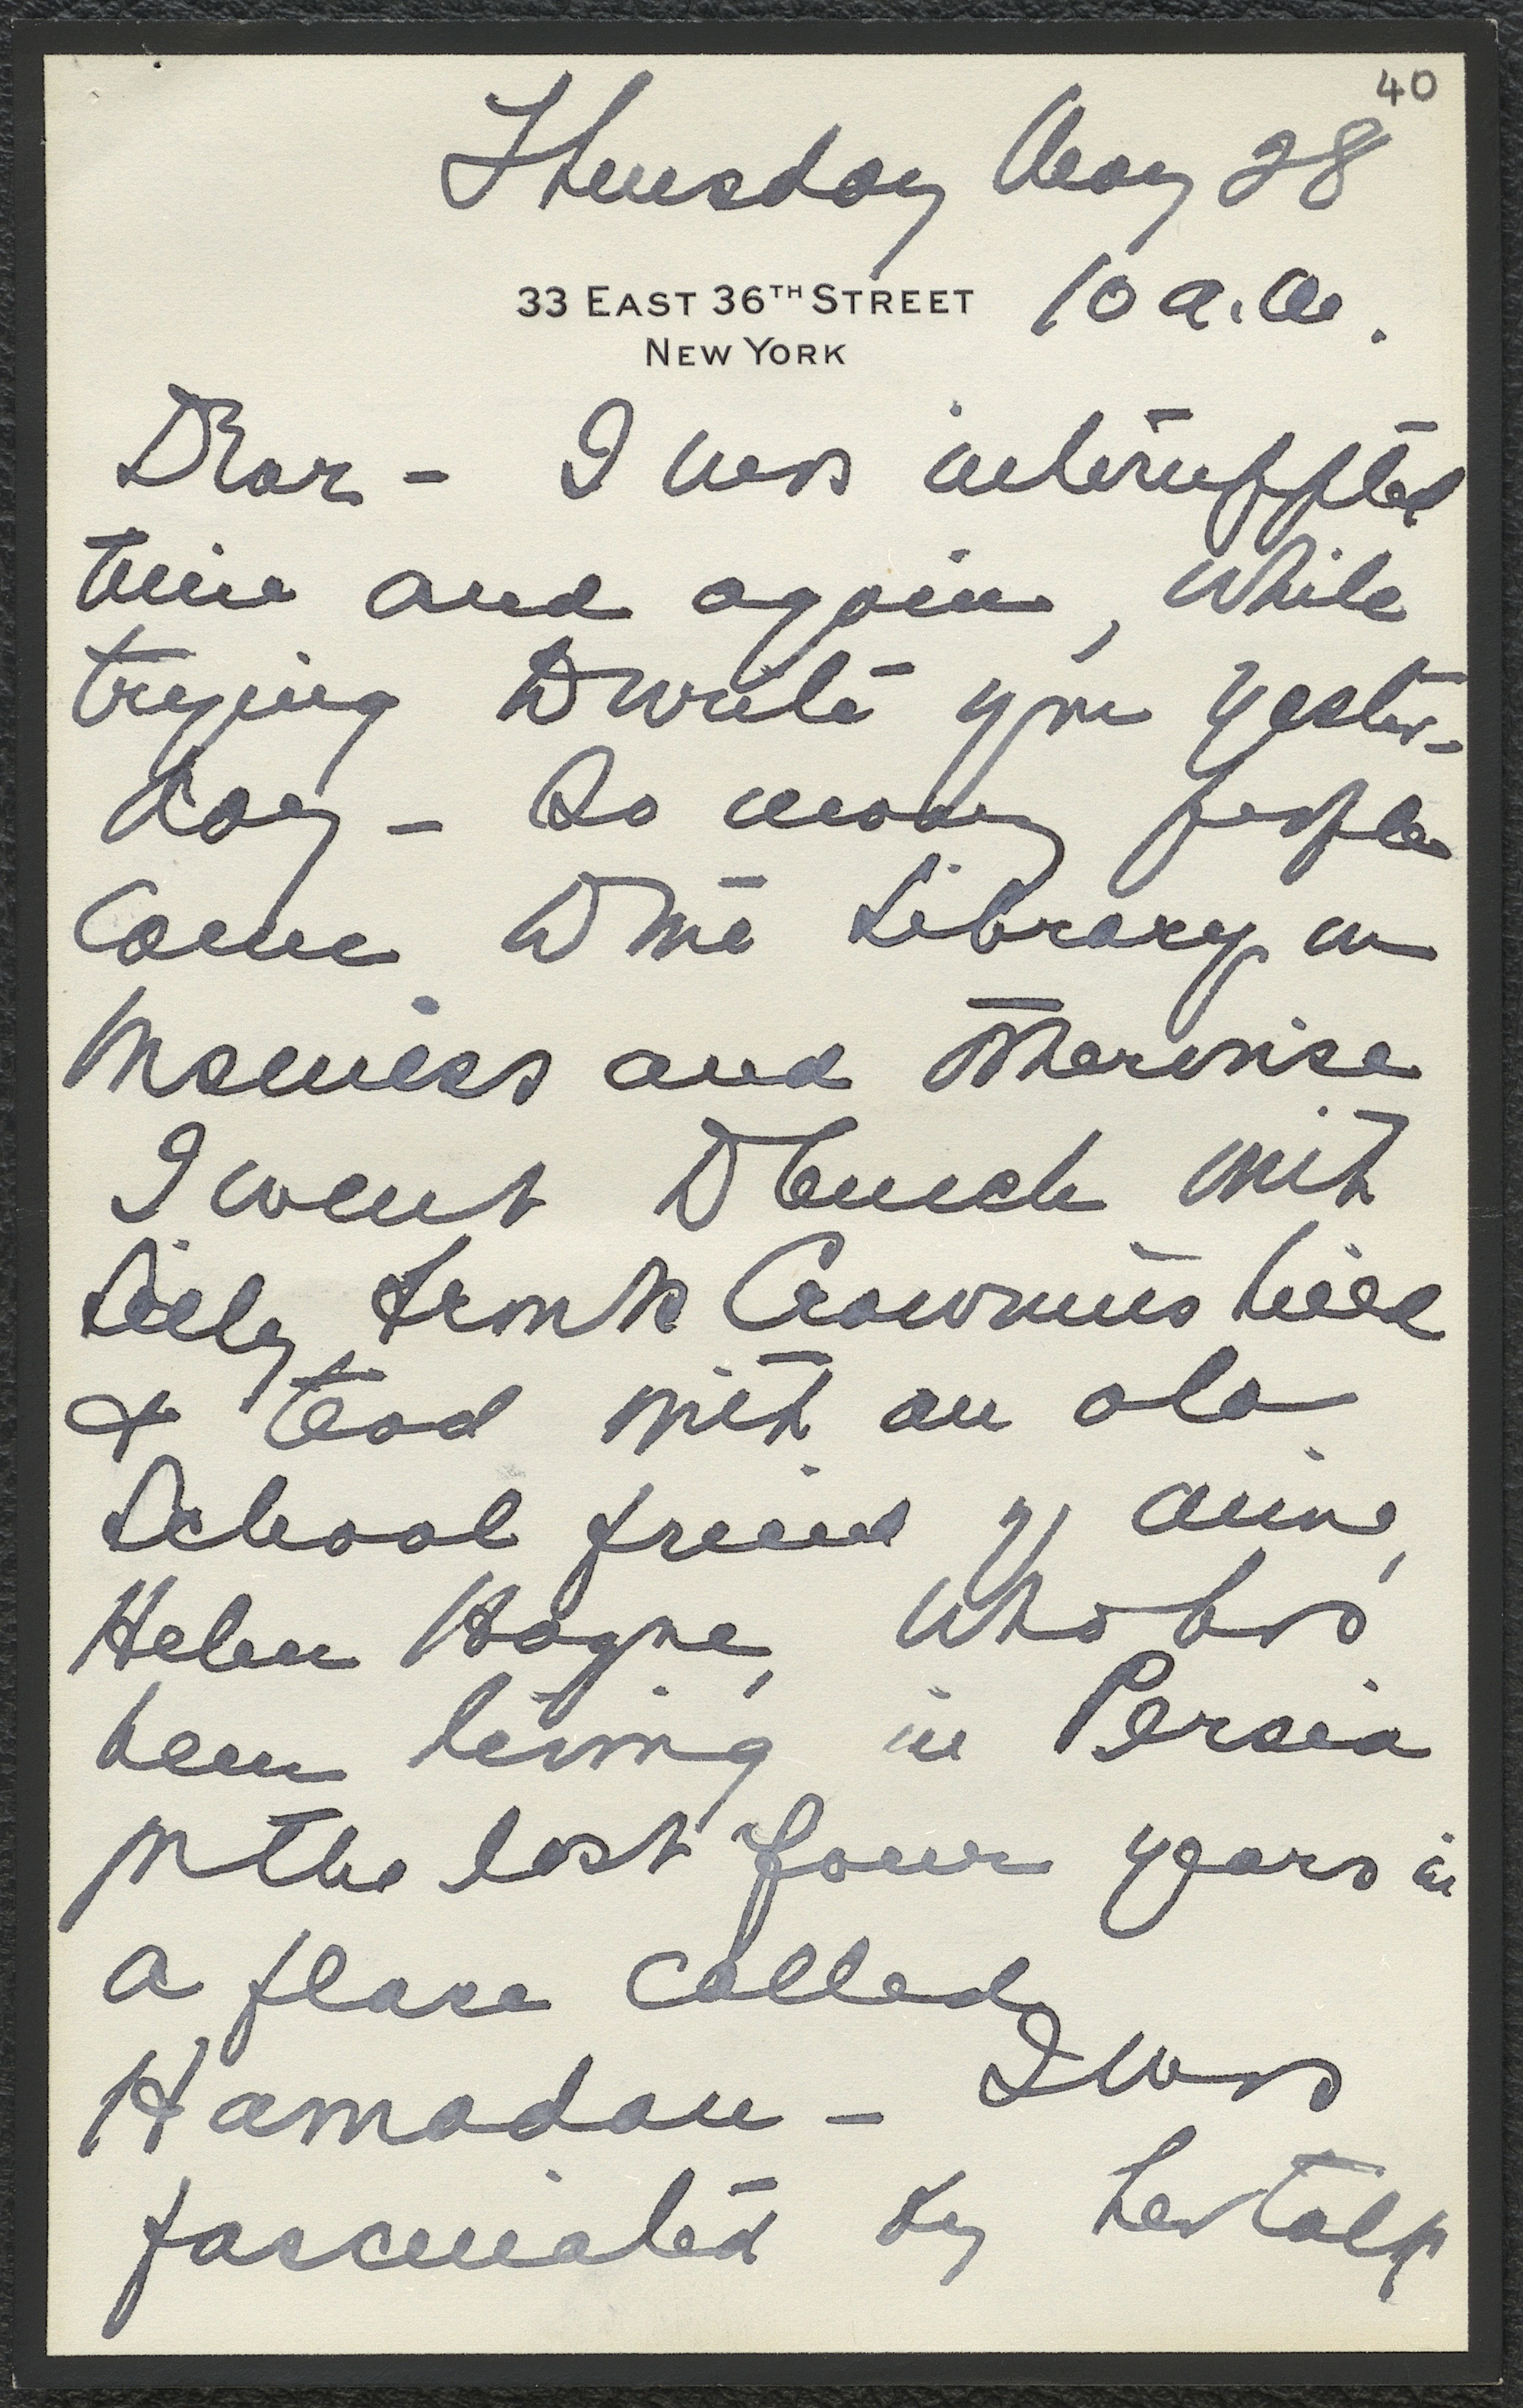Thursday May 28
10 a.m.
Dear – I was interruppted [sic] time and again, while trying to write you yesterday – so many people came to the Library on business and otherwise
I went to lunch with silly Frank Crowninshield & tead with an old School friend of mine, Helen Hoghe, who has been living in Persia for the last four years in a place called Hamadan – I was fascinated by her talk